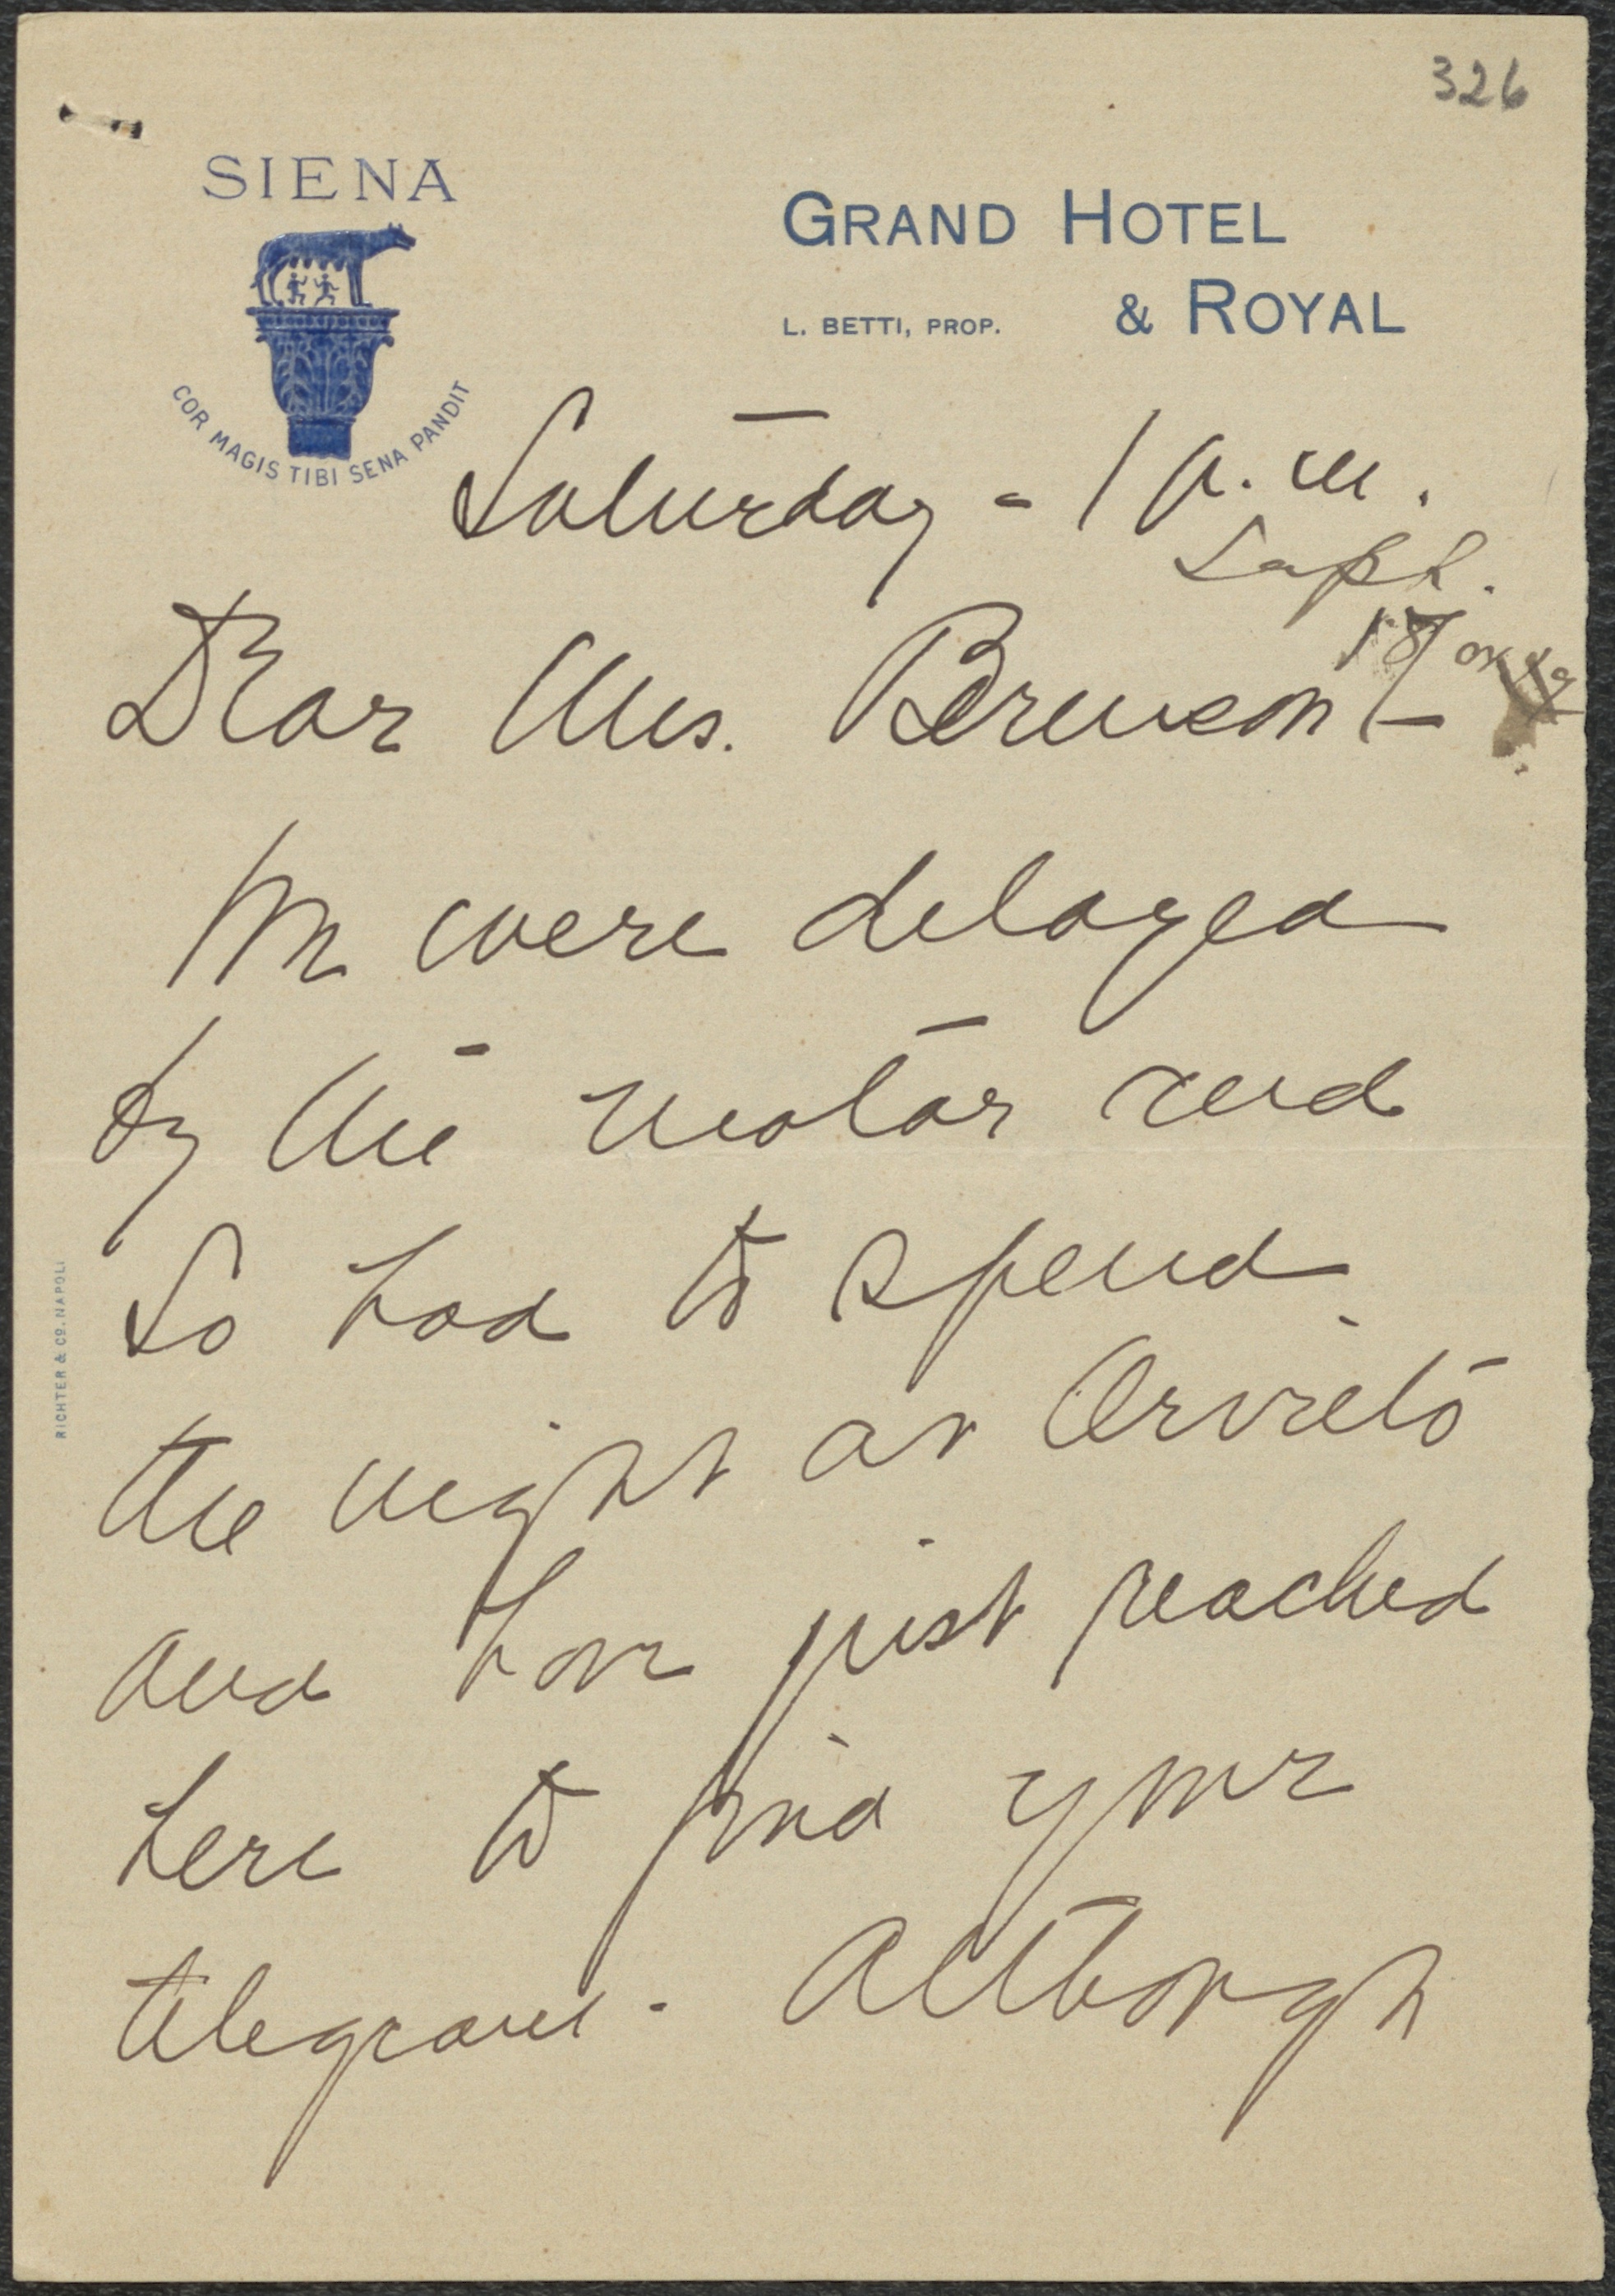Saturday – 1 p.m.
Dear Mrs. Berenson –
We were delayed by the motor and so had to spend the night at Orvieto and have just reached here to find your telegram – Although